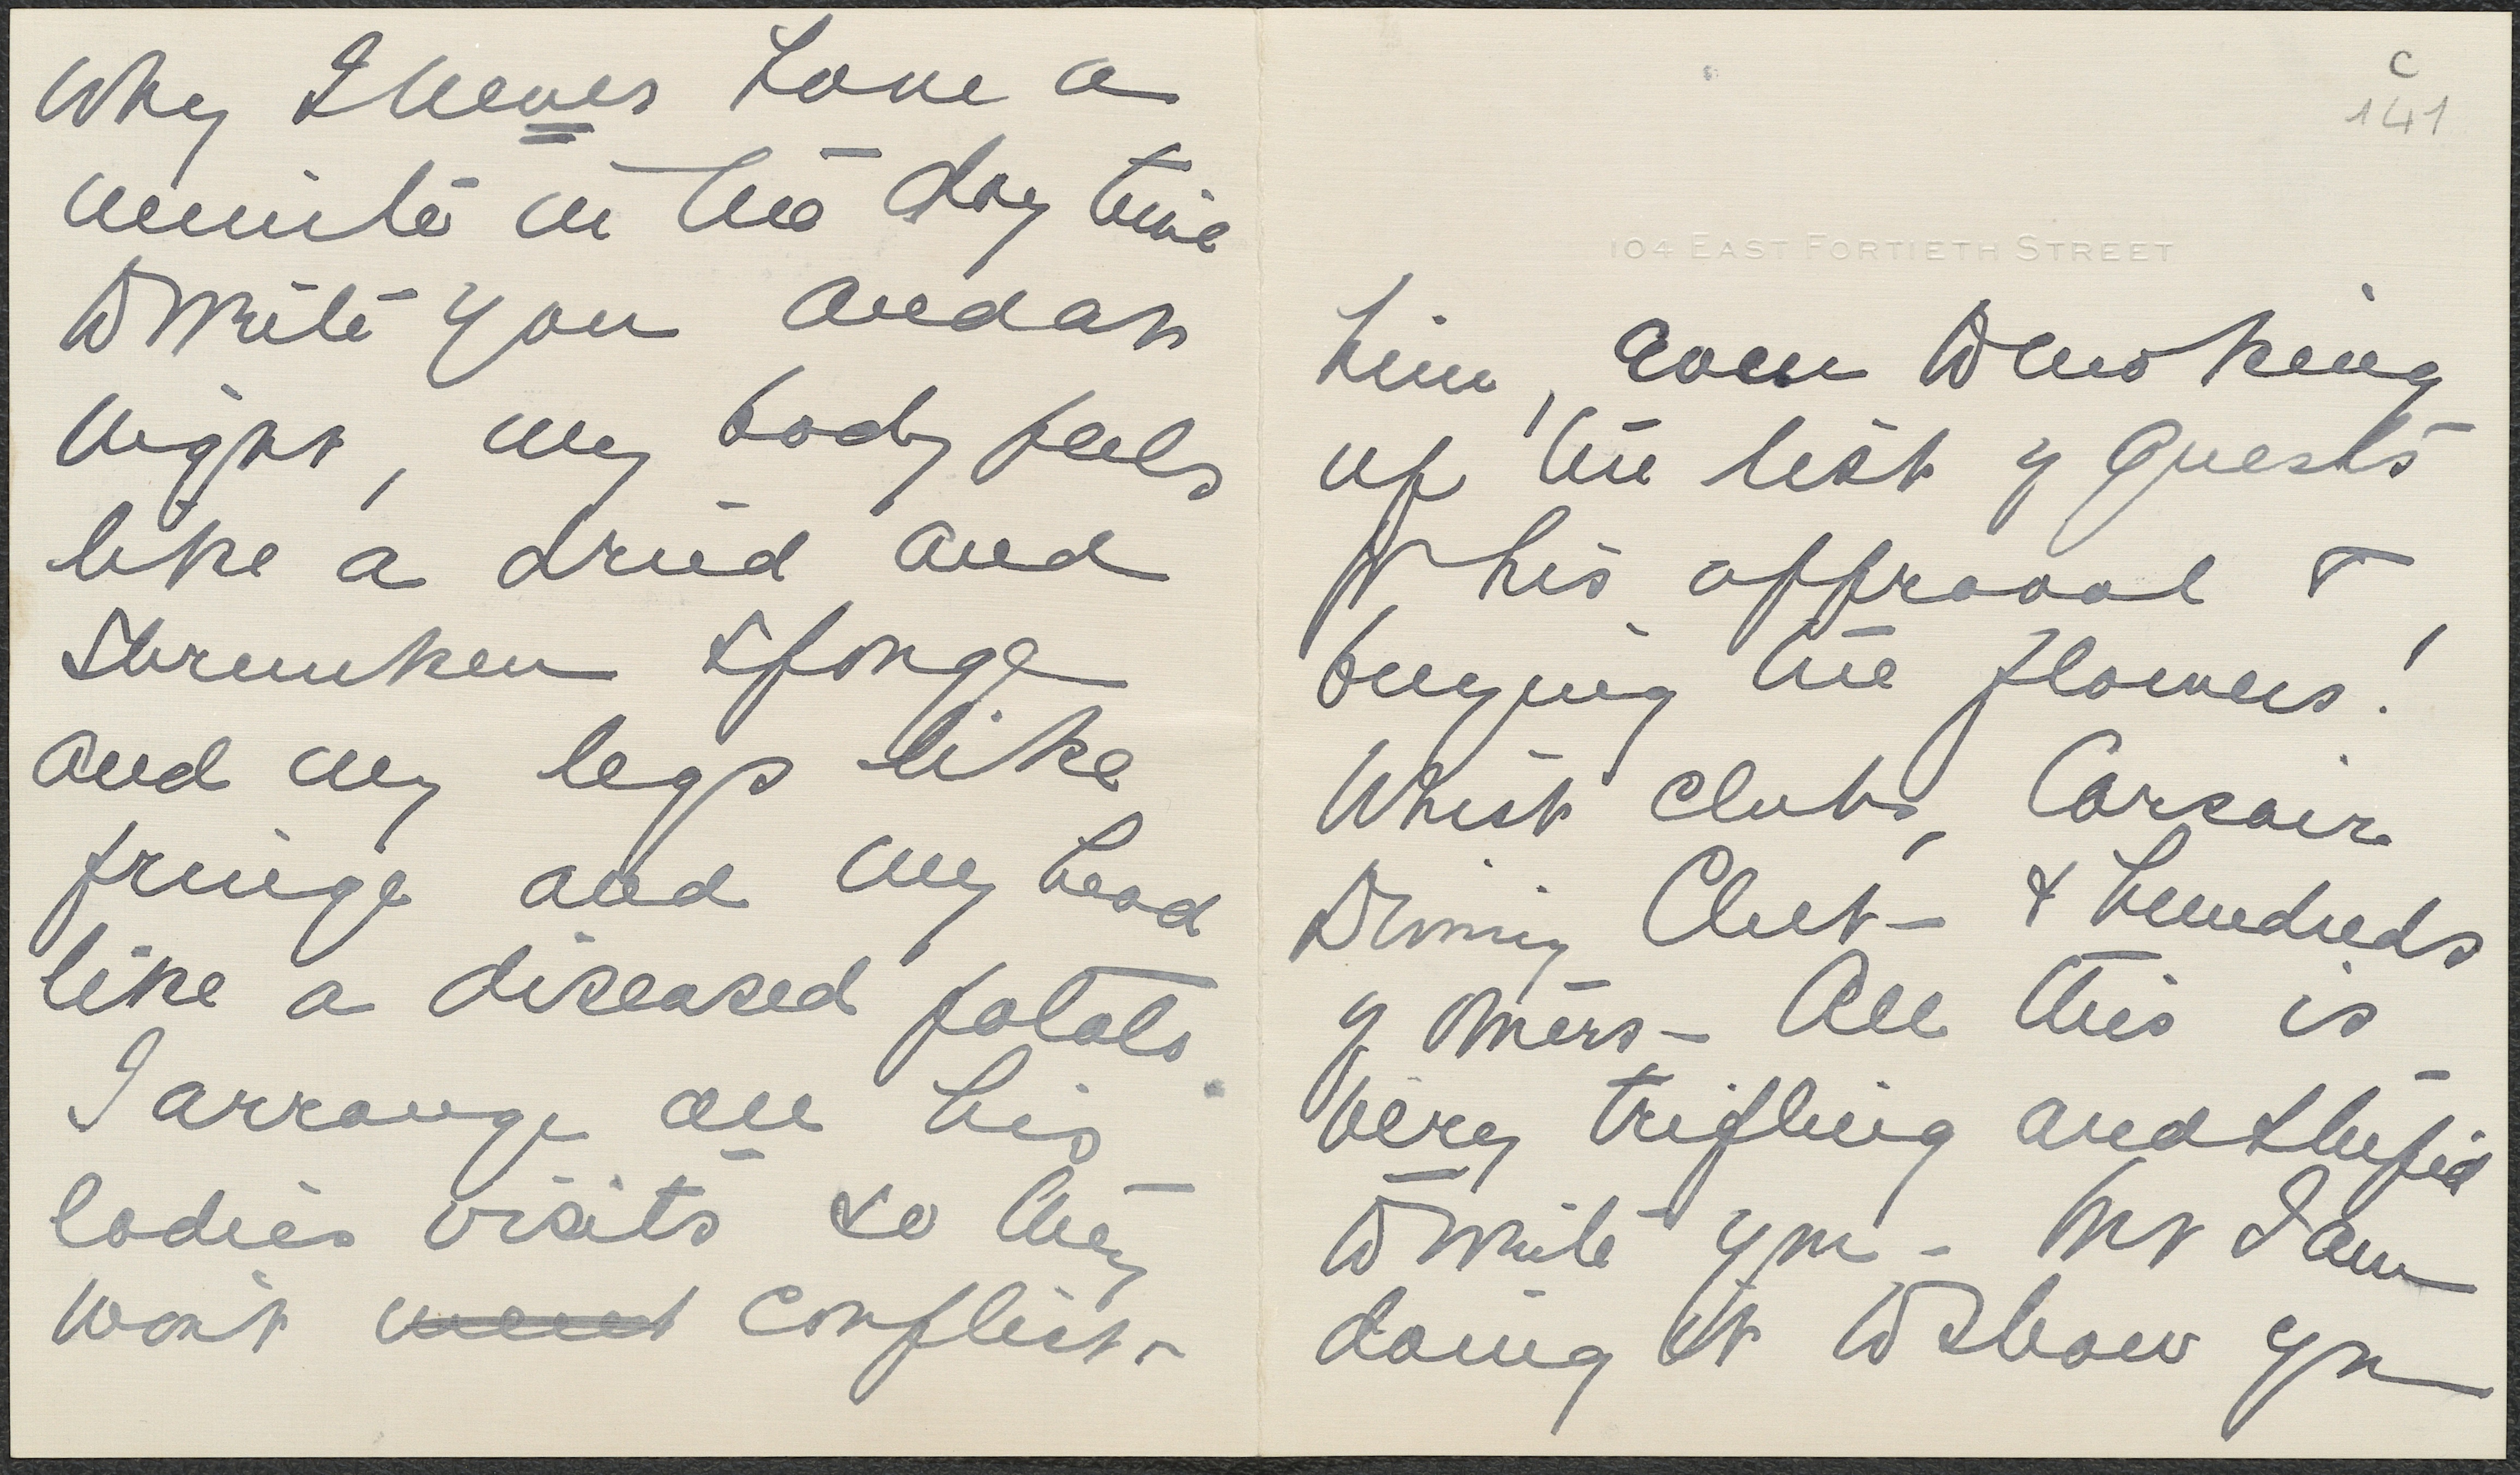him, even to making up the list of guests for his approval & buying the flowers! Whist clubs, Corsair Dining Club – & hundreds of others – All this is very trifling and stupid to write you – but I am doing it to show you
why I [double underlined: never] have a minute in the day time to write you and at night, my body feels like a dried and shrunken sponge and my legs like fringe and my head like a diseased potato. I arrange all his ladies visits so they won't meet conflict or